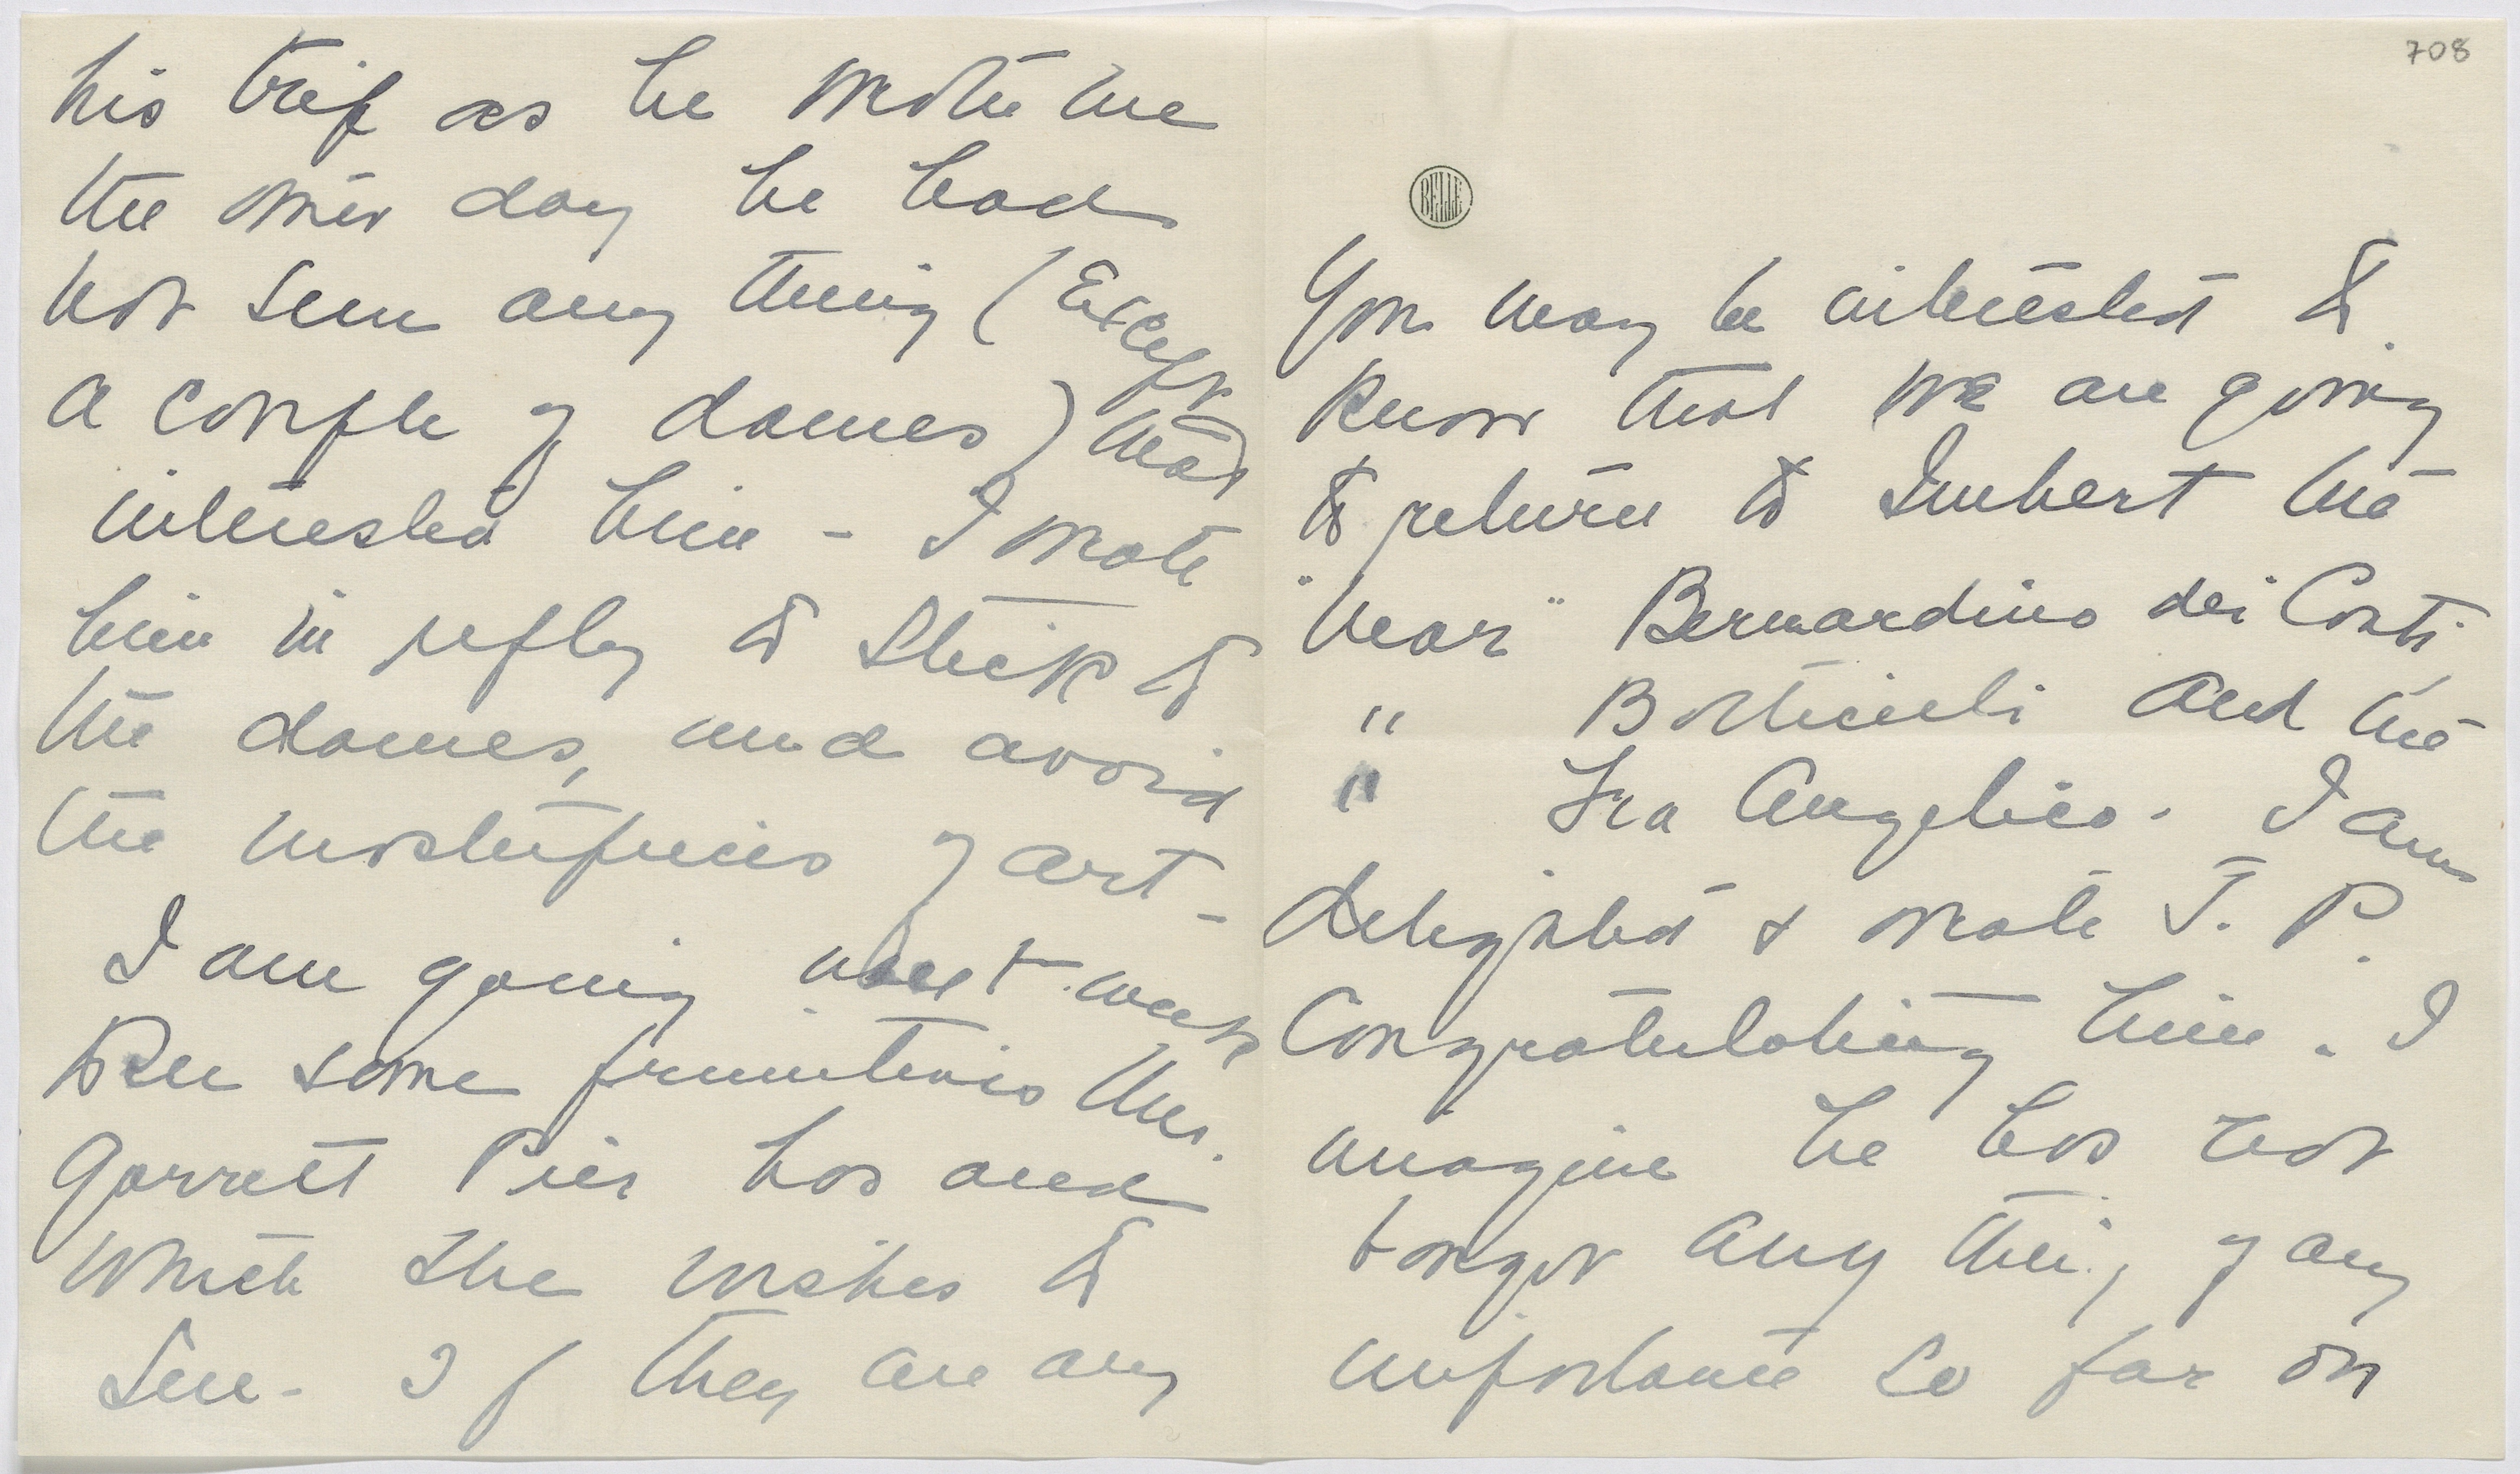You may be interested to know that we are going to return to Imbert the “near” Bernardino dei Conti [“near”] Botticelli and the [“near”] Fra Angelico, I am delighted & wrote J. P. congratulating him. I imagine he has not bought any thing of any important so far on
his trip as he wrote me the other day he had not seen an thing (excerpt a couple of dames) that interested him – I wrote him in reply to stick to the dames, and avoid the masterpieces of art –
I am going next week to see some primitives Mrs. Garrett Pier has and which she wishes to sell. If they are any